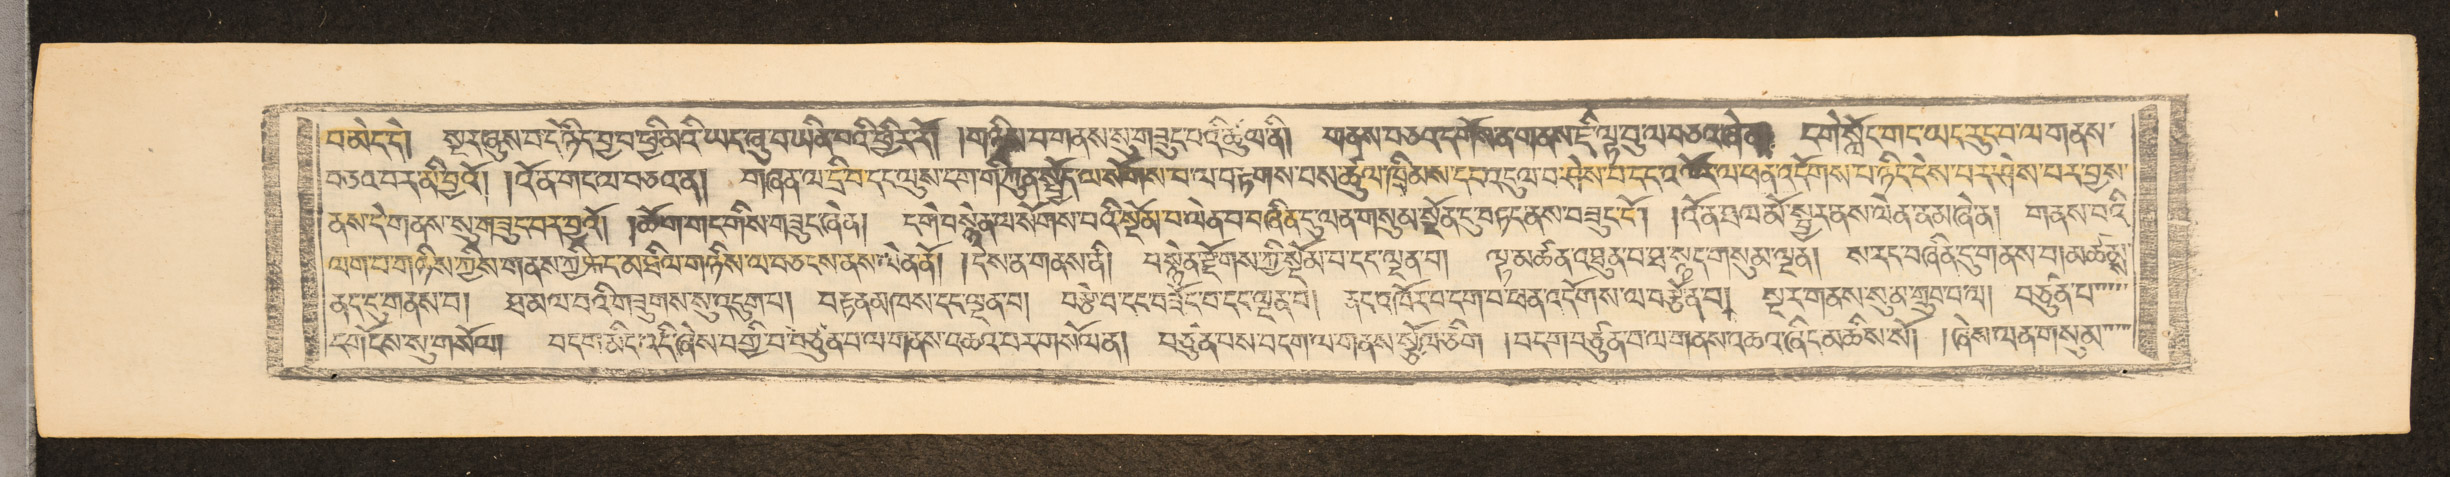པ་མེད་དེ། སྔར་ཞུས་པ་དེ་ཉིད་བྱ་བ་ཕྱི་མའི་ཡང་ཞུ་བ་ཡིན་པའི་ཕྱིར་རོ། །གཉིས་པ་གནས་སུ་གཟུང་བའི་ཚུལ་ནི། གནས་བཅའ་དགོས་ན་གནས་ཇི་ལྟ་བུ་ལ་བཅའ་ཞེ་ན། དགེ་སློང་གང་ཡང་རུང་བ་ལ་གནས་
བཅའ་བར་མི་བྱའོ། །འོ་ན་གང་ལ་བཅའ་ན། གཞན་ལ་དྲི་བ་དང་ལུས་ངག་གི་ཀུན་སྤྱོད་ལ་སོགས་པ་ལ་བརྟགས་པས་ཚུལ་ཁྲིམས་དང་འདུལ་བ་ཤེས་པ་དང་འཁོར་ལ་ཕན་འདོགས་པ་ཉིད་དེས་པར་ཤེས་པར་བྱས་
ནས་དེ་གནས་སུ་གཟུང་བར་བྱའོ། །ཆོ་ག་གང་གིས་གཟུང་ཞེ་ན། དགེ་བསྙེན་ལ་སོགས་པའི་སྡོམ་པ་ལེན་པ་བཞིན་དུ་ལན་གསུམ་སྔོན་དུ་བཏང་ནས་བཟུང་ངོ། །འོ་ན་ཐལ་མོ་སྦྱར་ནས་ལེན་ནམ་ཞེ་ན། གནས་པའི་
ལག་པ་གཉིས་ཀྱིས་གནས་ཀྱི་རྐང་མཐིལ་གཉིས་ལ་བཅངས་ནས་ལེན་ནོ། །དེས་ན་གནས་ནི། བསྙེན་རྫོགས་ཀྱི་སྡོམ་པ་དང་ལྡན་པ། ལྟ་མཚན་འཐུན་པ་ཐ་སྙད་གསུམ་ལྡན། ས་རང་བཞིན་དུ་གནས་པ། མཚམས་
ནང་དུ་གནས་བ། ཐ་མལ་བའི་གཟུགས་སུ་འདུག་པ། བརྟན་མཁས་དང་ལྡན་པ། བརྩེ་བ་དང་བཟོད་པ་དང་ལྡན་པ། ནང་འཁོར་བ་དག་བ་ཕན་འདོགས་ལ་བརྩོན་པ། སྔར་གནས་སུ་མ་གྲུབ་བ་ལ། བཙུན་པ་
དགོངས་སུ་གསོལ། བདག་མིང་འདི་ཞེས་བགྱི་བ་བཙུན་པ་ལ་གནས་འཆའ་བར་གསོལ་ན། བཙུན་པས་བདག་ལ་གནས་སྩོལ་ཅིག །བདག་བཙུན་བ་ལ་གནས་འཆའ་ཞིང་མཆིས་སོ། །ཞེས་ལན་གསུམ་